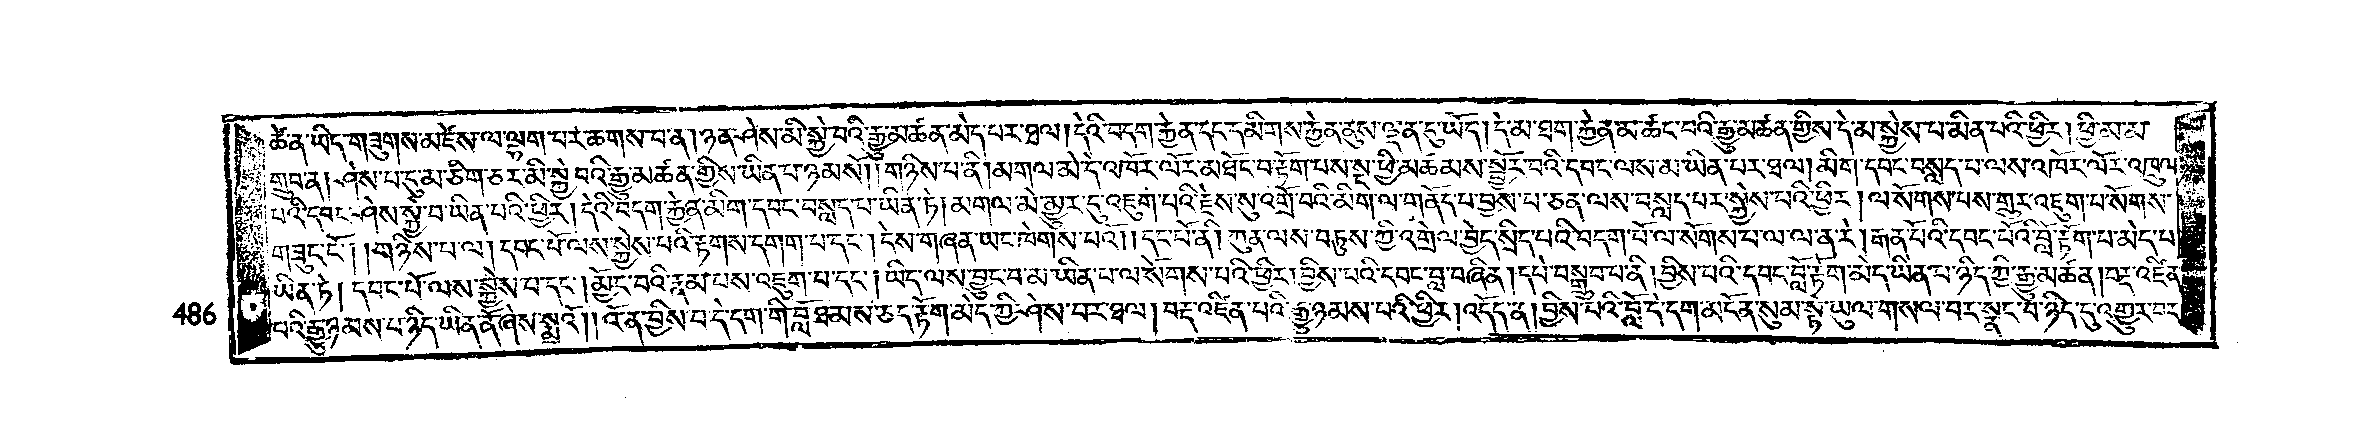ཚེ་ན་ཡིད་གཟུགས་མཛེས་ལ་ལྷག་པར་ཆགས་པ་ན། ཉན་ཤེས་མི་སྐྱེ་བའི་རྒྱུ་མཚན་མེད་པར་ཐལ། དེའི་བདག་རྐྱེན་དང་དམིགས་རྐྱེན་ནུས་ལྡན་དུ་ཡོད། དེ་མ་ཐག་རྐྱེན་མ་ཚང་བའི་རྒྱུ་མཚན་གྱིས་དེ་མ་སྐྱེས་པ་མིན་པའི་ཕྱིར། ཕྱི་མ་མ་
གྲུབ་ན། ཤེས་པ་དུ་མ་ཅིག་ཅར་མི་སྐྱེ་བའི་རྒྱུ་མཚན་གྱིས་ཡིན་པ་ཉམ་སོ། །གཉིས་པ་ནི། མགལ་མེ་དེ་འཁོར་ལོར་མཐོང་བ་རྟོག་པས་སྔ་ཕྱི་མཚམས་སྦྱོར་བའི་དབང་ལས་མ་ཡིན་པར་ཐལ། མིག་དབང་བསླད་པ་ལས་འཁོར་ལོར་འཁྲུལ་
པའི་དབང་ཤེས་སྐྱེ་བ་ཡིན་པའི་ཕྱིར། དེའི་བདག་རྐྱེན་མིག་དབང་བསླད་པ་ཡིན་ཏེ། མགལ་མེ་མྱུར་དུ་འཇུག་པའི་རྗེས་སུ་འགྲོ་བའི་མིག་ལ་གནོད་པ་བྱས་པ་ཅན་ལས་བསླད་པར་སྐྱེས་པའི་ཕྱིར། ལ་སོགས་པས་གྱུར་འཇུག་པ་སོགས་
གཟུང་ངོ། །གཉིས་པ་ལ། དབང་པོ་ལས་སྐྱེས་པའི་རྟགས་དགག་པ་དང་། ངེས་གཞན་ཡང་ཁེགས་པའོ། །དང་པོ་ནི། ཀུན་ལས་བཏུས་ཀྱི་འགྲེལ་བྱེད་སྲིད་པའི་བདག་པོ་ལ་སོགས་པ་ལ་ལ་ན་རེ། རྒན་པོའི་དབང་པོའི་བློ་རྟོག་པ་མེད་པ་
ཡིན་ཏེ། དབང་པོ་ལས་སྐྱེས་པ་དང་། མྱོང་བའི་རྣམ་པས་འཇུག་པ་དང་། ཡིད་ལས་བྱུང་བ་མ་ཡིན་པ་ལ་སོགས་པའི་ཕྱིར། བྱིས་པའི་དབང་བླ་བཞིན། དཔེ་བསྒྲུབ་པ་ནི། བྱིས་པའི་དབང་བློ་རྟོག་མེད་ཡིན་པ་ཉིད་ཀྱི་རྒྱུ་མཚན། བརྡ་འཛིན་
པའི་རྒྱུ་ཉམས་པ་ཉིད་ཡིན་ནོ་ཞེས་སྨྲའོ། །འོ་ན་བྱིས་པ་དེ་དག་གི་བློ་ཐམས་ཅད་རྟོག་མེད་ཀྱི་ཤེས་པར་ཐལ། བརྡ་འཛིན་པའི་རྒྱུ་ཉམས་པའི་ཕྱིར། འདོད་ན། བྱིས་པའི་བློ་དེ་དག་མངོན་སུམ་སྟེ་ཡུལ་གསལ་བར་སྣང་བ་ཉིད་དུ་འགྱུར་བར་